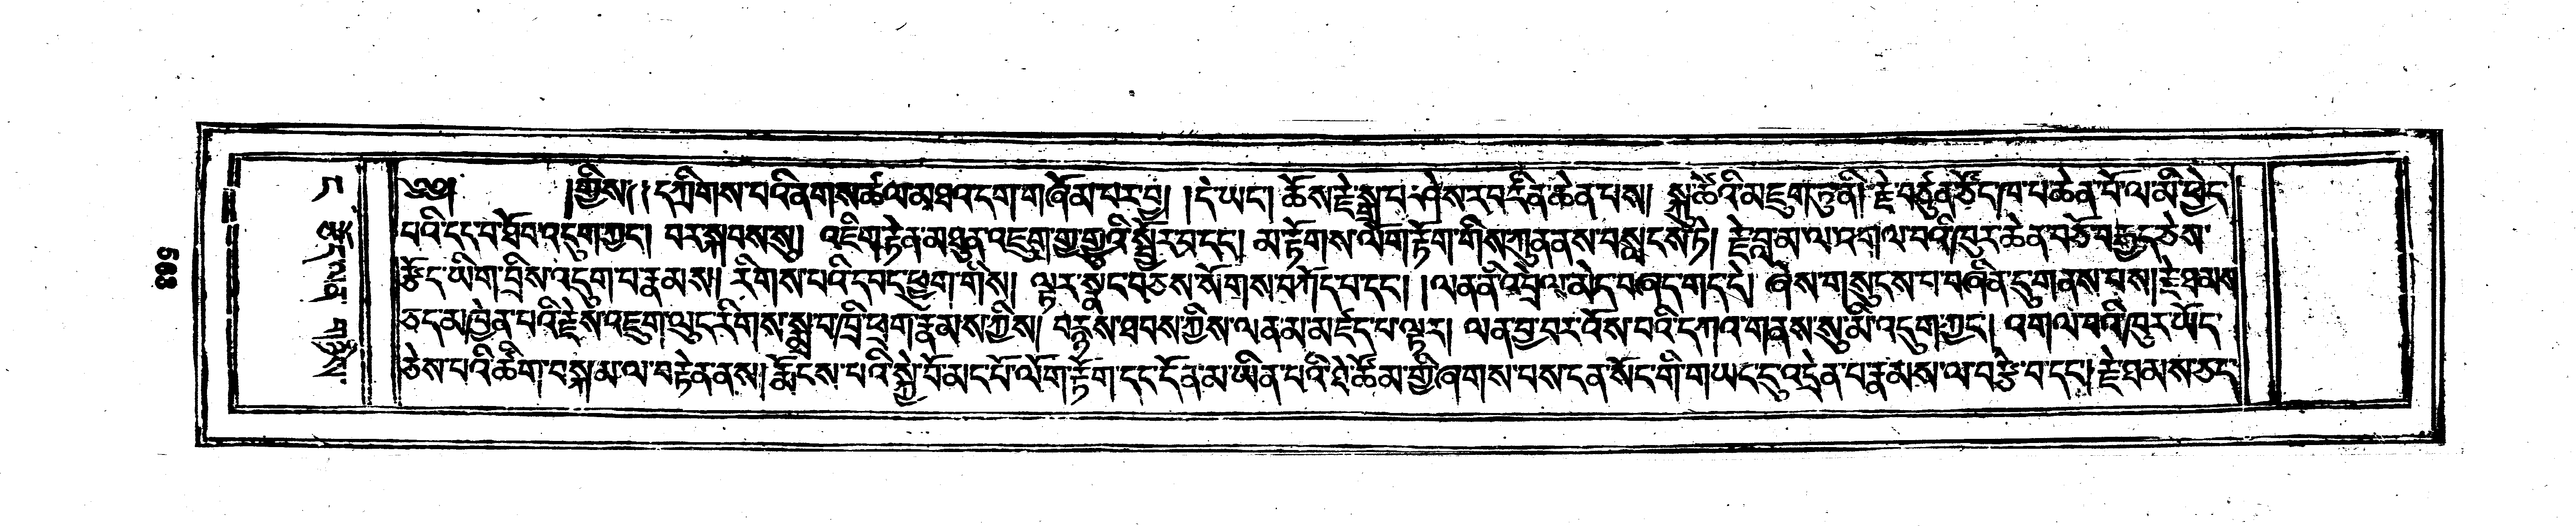༄༅། །གྱིས། །དཀྲིགས་པའི་ནགས་ཚལ་མཐའ་དག་གཞོམ་པར་བྱ། །དེ་ཡང་། ཆོས་རྗེ་སྒྲ་པ་ཤེས་རབ་རིན་ཆེན་པས། སྐུ་ཚེའི་མཇུག་ཏུ་ནི། རྗེ་བཙུན་ཙོང་ཁ་པ་ཆེན་པོ་ལ་མི་ཕྱེད་
པའི་དད་པ་ཐོབ་འདུག་ཀྱང་། བར་སྐབས་སུ། འཇིག་རྟེན་མཐུན་འཇུག་གྱ་གྱུའི་སྦྱོར་བ་དང་། མ་རྟོགས་ལོག་རྟོག་གིས་ཀུན་ནས་བསླངས་ཏེ། རྗེ་བླ་མ་ལ་འགལ་བའི་ཁུར་ཆེན་བཅོ་བརྒྱད་ཅེས་
རྩོད་ཡིག་བྲིས་འདུག་པ་རྣམས། རིགས་པའི་དབང་ཕྱུག་གིས། ལྟར་སྣང་བཅས་སོགས་བཀོད་པ་དང་། །ལན་ནི་འབྲེལ་མེད་བཞད་གད་དེ། ཞེས་གསུངས་པ་བཞིན་དུ་གནས་པས། རྗེ་ཐམས་
ཅད་མཁྱེན་པའི་རྗེས་འཇུག་ལུང་རིགས་སྨྲ་བ་ཁྲི་ཕྲག་རྣམས་ཀྱིས། བརྙས་ཐབས་ཀྱིས་ལན་མ་མཛད་པ་ལྟར། ལན་བྱ་བར་འོས་པའི་དཀའ་གནས་སུ་མི་འདུག་ཀྱང་། འགལ་བའི་ཁུར་ཡོད་
ཅེས་པའི་ཚིག་བསྐམ་ལ་བརྟེན་ནས། རྨོངས་པའི་སྐྱེ་བོ་མང་པོ་ལོག་རྟོག་དང་དོན་མ་ཡིན་པའི་ཐེ་ཚོམ་གྱི་ཞགས་པས་ངན་སོང་གི་གཡང་དུ་འདྲེན་པ་རྣམས་ལ་བརྩེ་བ་དང་། རྗེ་ཐམས་ཅད་